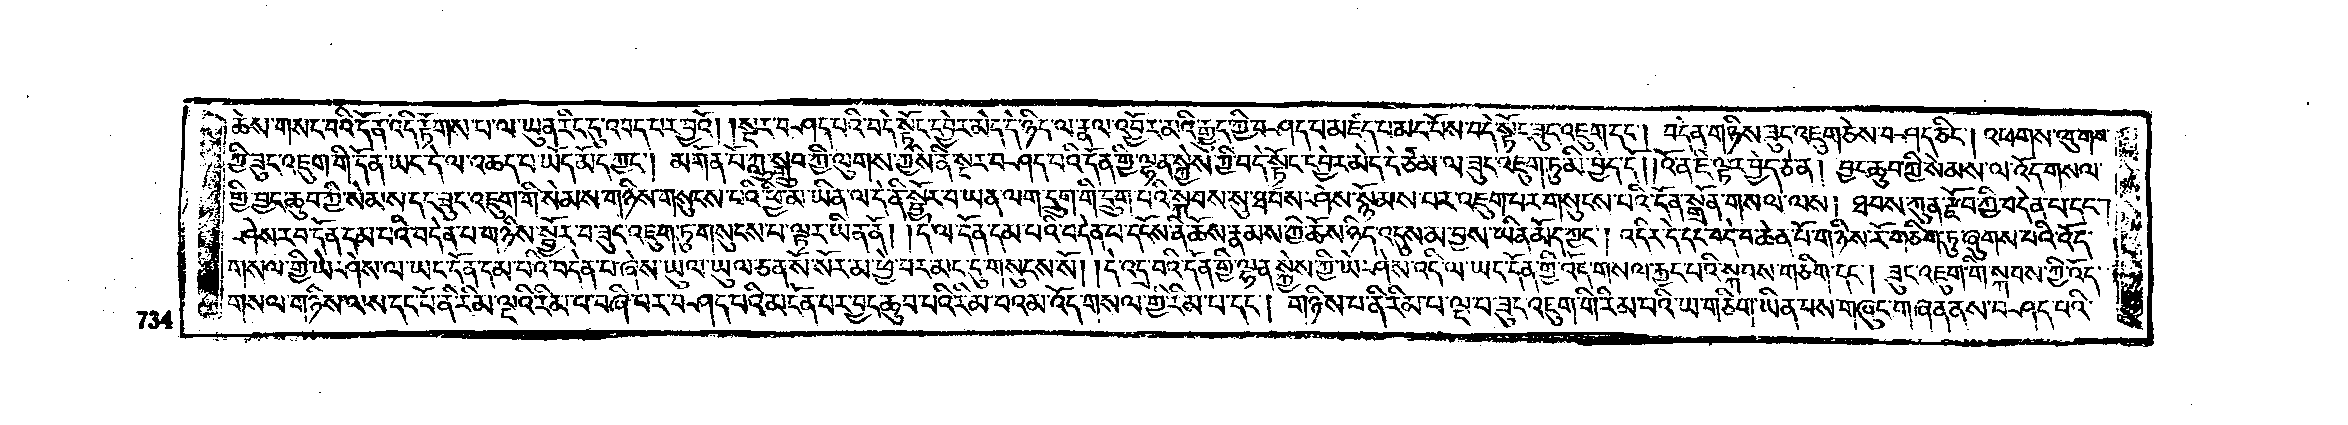ཆོས་གསང་བའི་དོན་འདི་རྟོགས་པ་ལ་ཡུན་རིང་དུ་འབད་པར་བྱའོ། །སྔར་བཤད་པའི་བདེ་སྟོང་དབྱེར་མེད་དེ་ཉིད་ལ་རྣལ་འབྱོར་མའི་རྒྱུད་ཀྱི་བཤད་པ་མཛད་པ་མང་པོས་བདེ་སྟོང་ཟུང་འཇུག་དང་། བདེན་གཉིས་ཟུང་འཇུག་ཅེས་བཤད་ཅིང་། འཕགས་ལུགས་
ཀྱི་ཟུང་འཇུག་གི་དོན་ཡང་དེ་ལ་འཆད་པ་ཡོད་མོད་ཀྱང་། མགོན་པོ་ཀླུ་སྒྲུབ་ཀྱི་ལུགས་ཀྱིས་ནི་སྔར་བཤད་པའི་དོན་གྱི་ལྷན་སྐྱེས་ཀྱི་བདེ་སྟོང་དབྱེར་མེད་དེ་ཙམ་ལ་ཟུང་འཇུག་ཏུ་མི་བྱེད་དོ། །འོ་ན་ཇི་ལྟར་བྱེད་ཅེ་ན། བྱང་ཆུབ་ཀྱི་སེམས་ལ་འོད་གསལ་
གྱི་བྱང་ཆུབ་ཀྱི་སེམས་དང་ཟུང་འཇུག་གི་སེམས་གཉིས་གསུངས་པའི་ཕྱི་མ་ཡིན་ལ་དེ་ནི་སྦྱོར་བ་ཡན་ལག་དྲུག་གི་དྲུག་པའི་སྐབས་སུ་ཐབས་ཤེས་སྙོམས་པར་འཇུག་པར་གསུངས་པའི་དོན་སྒྲོན་གསལ་ལས། ཐབས་ཀུན་རྫོབ་ཀྱི་བདེན་པ་དང་།
ཤེས་རབ་དོན་དམ་པའི་བདེན་པ་གཉིས་སྦྱོར་བ་ཟུང་འཇུག་ཏུ་གསུངས་པ་ལྟར་ཡིན་ནོ། །དེ་ལ་དོན་དམ་པའི་བདེན་པ་དངོས་ནི་ཆོས་རྣམས་ཀྱི་ཆོས་ཉིད་འདུས་མ་བྱས་ཡིན་མོད་ཀྱང་། འདིར་དེ་དང་བདེ་བ་ཆེན་པོ་གཉིས་རོ་གཅིག་ཏུ་ཞུགས་པའི་འོད་
གསལ་གྱི་ཡེ་ཤེས་ལ་ཡང་དོན་དམ་པའི་བདེན་པ་ཞེས་ཡུལ་ཡུལ་ཅན་སོ་སོར་མ་ཕྱེ་བར་མང་དུ་གསུངས་སོ། །དེ་འདྲ་བའི་དོན་གྱི་ལྷན་སྐྱེས་ཀྱི་ཡེ་ཤེས་འདི་ལ་ཡང་དོན་གྱི་འོད་གསལ་རྐྱང་བའི་སྐབས་གཅིག་དང་། ཟུང་འཇུག་གི་སྐབས་ཀྱི་འོད་
གསལ་གཉིས་ལས་དང་པོ་ནི་རིམ་ལྔའི་རིམ་པ་བཞི་བར་བཤད་པའི་མངོན་པར་བྱང་ཆུབ་པའི་རིམ་པའམ་འོད་གསལ་གྱི་རིམ་པ་དང་། གཉིས་པ་ནི་རིམ་པ་ལྔ་པ་ཟུང་འཇུག་གི་རིམ་པའི་ཡ་གཅིག་ཡིན་པས་གཞུང་གཞན་ནས་བཤད་པའི་